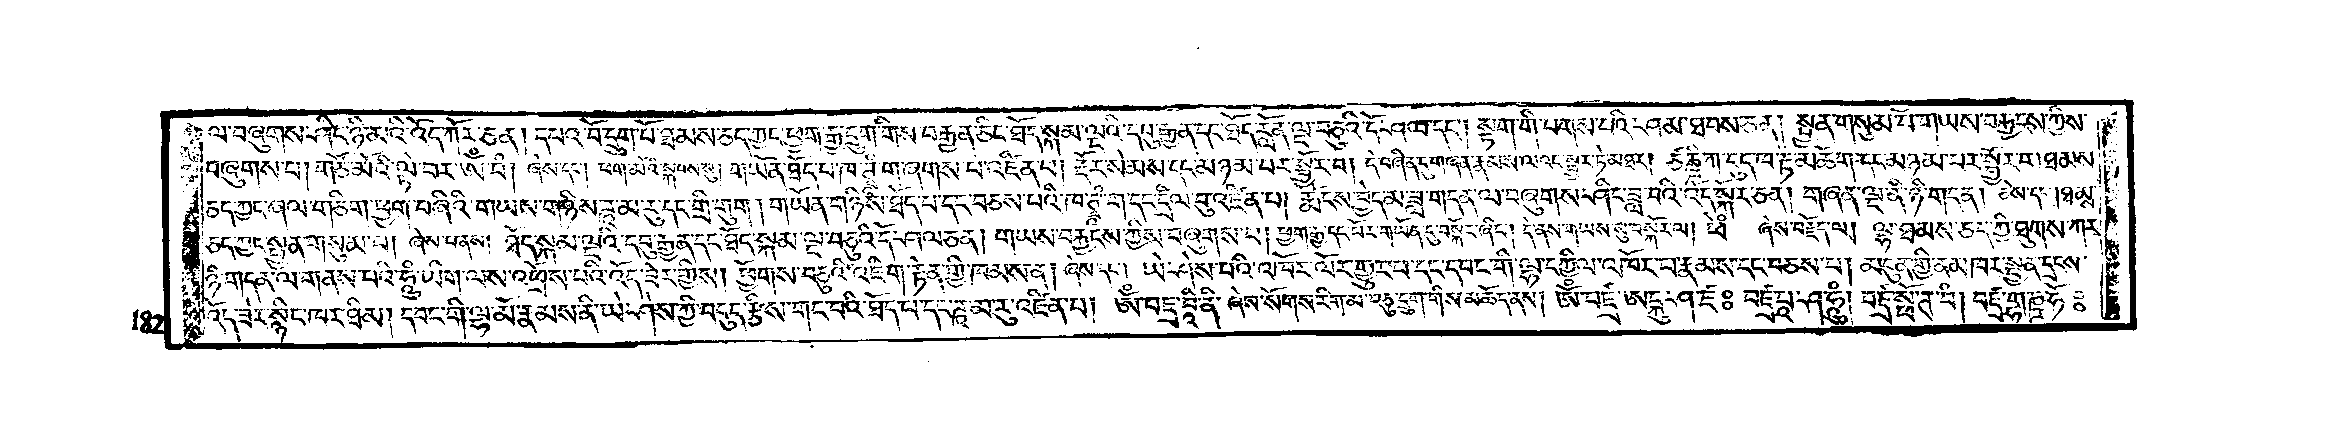ལ་བཞུགས་ཤིང་ཉི་མའི་འོད་ཀོར་ཅན། དཔའ་བོ་དྲུག་པོ་ཐམས་ཅད་ཀྱང་ཕྱག་རྒྱ་དྲུག་གིས་བརྒྱན་ཅིང་ཐོད་སྐམ་ལྔའི་དབུ་རྒྱན་དང་ཐོད་སྐྲློན་ལྔ་བཅུའི་དོ་ཤལ་དང་། སྟ་གི་པགས་པའི་ཤམ་ཐབས་ཅན། སྤྱན་གསུམ་པོ་གཡས་བརྐྱངས་ཀྱིས་
བཞུགས་པ། གཙོ་མོའི་ལྟེ་བར་ཨོཾ་བཾ། ཞེས་དང་། ཕག་མོའི་སྐབས་སུ།  གཡོན་ཐོད་པ་ཁ་ཊྭཱཾ་ག་ཞགས་པ་འཛིན་པ། རྡོར་སེམས་དང་མཉམ་པར་སྦྱོར་བ། དེ་བཞིན་དུ་གཞན་རྣམས་ལའང་སྦྱར་ཏེ་མཐར།  ཙཎྜི་ཀ་དུད་ཁ་རྟ་མཆོག་དང་མཉམ་པར་སྦྱོར་བ། ཐམས་
ཅད་ཀྱང་ཞལ་གཅིག་ཕྱག་བཞིའི་གཡས་གཉིས་ཌཱ་མ་རུ་དང་གྲི་གུག །གཡོན་གཉིས་ཐོད་པ་དང་བཅས་པའི་ཁ་ཊྭཱཾ་ག་དང་དྲིལ་བུ་འཛིན་པ། རྨོངས་བྱེད་མ་ཟླ་གདན་ལ་བཞུགས་ཤིང་ཟླ་བའི་འོད་སྐོར་ཅན། གཞན་ལྔ་ནི་ཉི་གདན། ཅེས་དང་།  ཐམས་
ཅད་ཀྱང་སྤྱན་གསུམ་པ། ཞེས་པ་ནས།  ཐོད་སྐམ་ལྔའི་དབུ་རྒྱན་དང་ཐོད་སྐམ་ལྔ་བཅུའི་དོ་ཤལ་ཅན། གཡས་བརྐྱངས་ཀྱིས་བཞུགས་པ། ཕྱག་རྒྱ་དང་པོར་གཡོན་དུ་བསྐོར་ཞིང་། དེ་ནས་གཡས་སུ་བསྐོར་ལ།  ཕེཾ་ཞེས་བརྗོད་ལ།  ལྷ་ཐམས་ཅད་ཀྱི་ཐུགས་ཀར་
ཉི་གདན་ལ་གནས་པའི་ཧཱུཾ་ཡིག་ལས་འཕྲོས་པའི་འོད་ཟེར་གྱིས། ཕྱོགས་བཅུའི་འཇིག་རྟེན་གྱི་ཁམས་ན། ཞེས་དང་།  ཡེ་ཤེས་པའི་འཁོར་ལོར་གྱུར་པ་དང་དབང་གི་ལྷ་དཀྱིལ་འཁོར་པ་རྣམས་དང་བཅས་པ། མདུན་གྱི་ནམ་མཁར་སྤྱན་དྲངས་
འོད་ཟེར་སྙིང་ཁར་ཐིམ། དབང་གི་ལྷ་མོ་རྣམས་ནི་ཡེ་ཤེས་ཀྱི་བདུད་རྩིས་གང་བའི་ཐོད་པ་དང་ཌཱ་མ་རུ་འཛིན་པ། ཨོཾ་བྫྲ་བཱི་ནི་ཞེས་སོགས་རིག་མ་བཅུ་དྲུག་གིས་མཆོད་ནས།  ཨོཾ་བཛྲ་ཨངྐུ་ཤ་ཛཿ བཛྲ་པཱ་ཤ་ཧཱུཾ། བཛྲ་སྥོ་ཊ་བཾ། བཛྲ་གྷ་ཌ་ཧོཿ